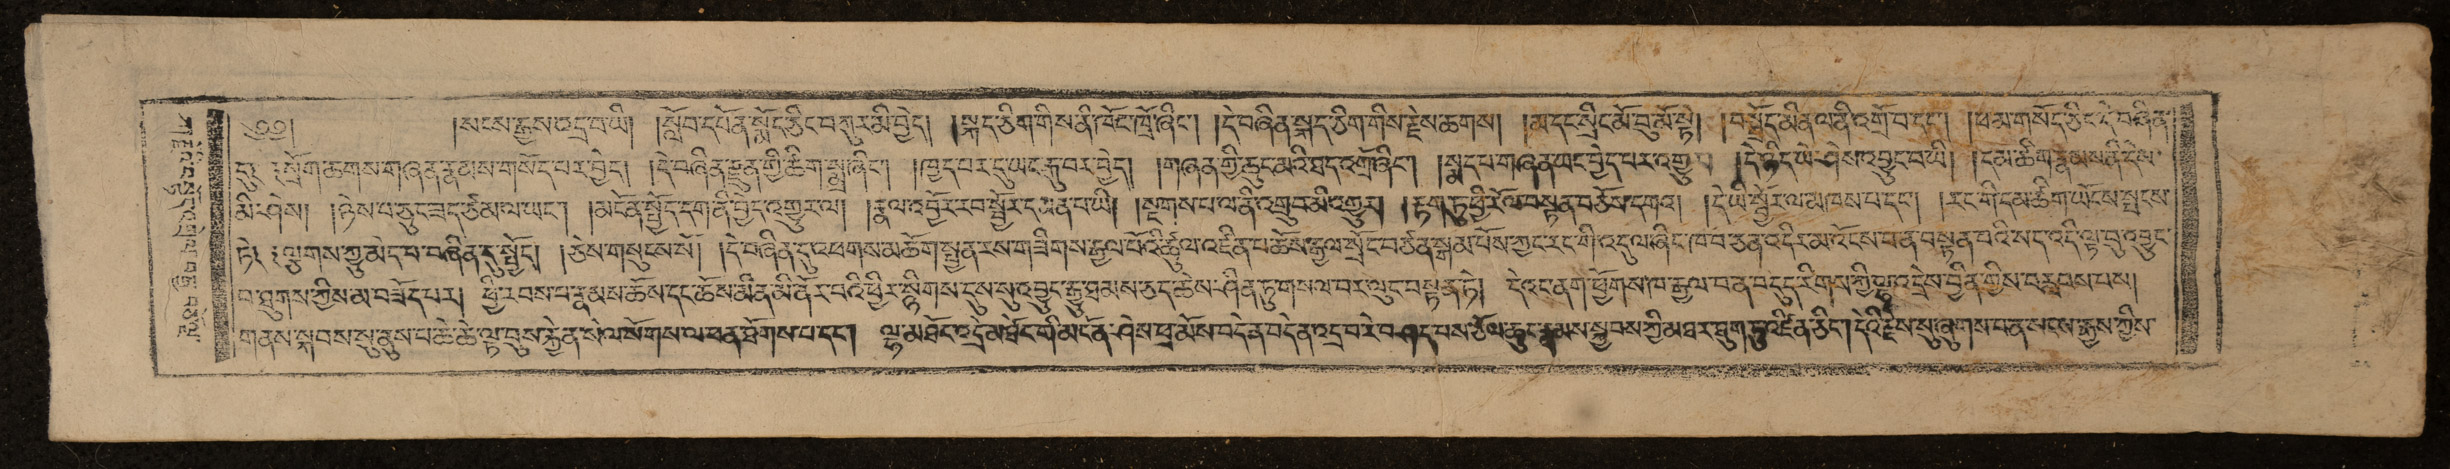༄༅། །སངས་རྒྱས་འདྲ་བ་ཡི། །སློབ་དབོན་སྨོད་ཅིང་བཀུར་མི་བྱེད། །སྐད་ཅིག་གིས་ནི་ཁོང་ཁྲོ་ཞིང་། །དེ་བཞིན་སྐད་ཅིག་གིས་རྗེས་ཆགས། །མ་དང་སྲིང་མོ་བུ་མོ་སྟེ། །བསྒྲོད་མིན་ལ་ནི་འགྲོ་པ་དང་། །ཕ་མ་གསོད་ཅིང་དེ་བཞིན་
དུ༑ ༑སྲོག་ཆགས་གཞན་རྣམས་གསོད་པར་བྱེད། །དེ་བཞིན་རྫུན་གྱི་ཚིག་སྨྲ་ཞིང་། །ཁྱད་པར་དུ་ཡང་རྐུ་བར་བྱེད། །གཞན་གྱི་ཆུང་མའི་ཐད་འགྲོ་ཞིང་། །སྨད་པ་གཞན་ཡང་བྱེད་པར་འགྱུར། །དེ་ཉིད་ཡེ་ཤེས་འབྱུང་བ་ཡི། །དམ་ཚིག་རྣམས་ནི་དེས་
མི་ཤས། །ཉེས་པ་ཅུང་ཟད་ཙམ་ལ་ཡང་། །མངོན་སྤྱོད་དག་ནི་བྱེད་འགྱུར་ལ། །རྣལ་འབྱོར་རབ་སྦྱོར་དམན་པ་ཡི། །སྔགས་པ་ལ་ནི་འགྲུབ་མི་འགྱུར། །རྟག་ཏུ་ཕྱི་རོལ་བསྟན་བཅོས་དགའ། །དེ་ཡི་སྦྱོར་ལ་མཁས་པ་དང་། །རང་གི་དམ་ཚིག་ཡོངས་སྲངས་
ཏེ༑ ༑ལྕགས་ཀྱུ་མེད་པ་བཞིན་དུ་སྤྱོད། །ཅེས་གསུངས་སོ། །དེ་བཞིན་དུ་འཕགས་མཆོག་སྤྱན་རས་གཟིགས་རྒྱལ་པོའི་ཚུལ་འཛིན་པ་ཆོས་རྒྱལ་སྲོང་བཙན་སྒམ་པོས་ཀྱང་རང་གི་འདུལ་ཞིང་ཁ་བ་ཅན་འདིར་མ་འོངས་པ་ན་བསྟན་པའི་སྲད་འདི་ལྟ་བུ་འབྱུང་
པ་ཐུགས་ཀྱིས་མ་བཟོད་པར། ཕྱི་རབས་པ་རྣམས་ཆོས་དང་ཆོས་མིན་མི་ནར་བའི་ཕྱར་སྙིགས་དུས་སུ་འབྱུང་རྒྱུ་ཐམས་ཅད་ཚེས་ཤིན་ཏུ་གསལ་བར་ལུང་བསྟན་ཏེ། དེའང་ནག་ཕྱོགས་ཁ་རྒྱལ་བ་ན་བདུད་རིགས་ཀྱི་ལྷ་འདྲེས་བྱིན་གྱིས་བརླབས་པས།
གནས་སྐབས་སུ་ནུས་པ་ཆེ་ཆེ་ལྟ་བུས་རྐྱེན་སེ་ལ་སོགས་ལ་ཕན་ཐོགས་པ་དང་། ལྷ་མཐོང་འདྲེ་མཐོང་གི་མངོན་ཤེས་ཕྲ་མོས་བདེན་བདེན་འདྲ་བ་རེ་བཤད་པས་ཅོལ་ཆུང་རྣམས་སྐྱབས་ཀྱི་མཐར་ཐུག་ཏུ་འཛིན་ཅིང་། དེའི་རྗེས་སུ་ཞུགས་པ་ན་སངས་རྒྱས་ཀྱིས་